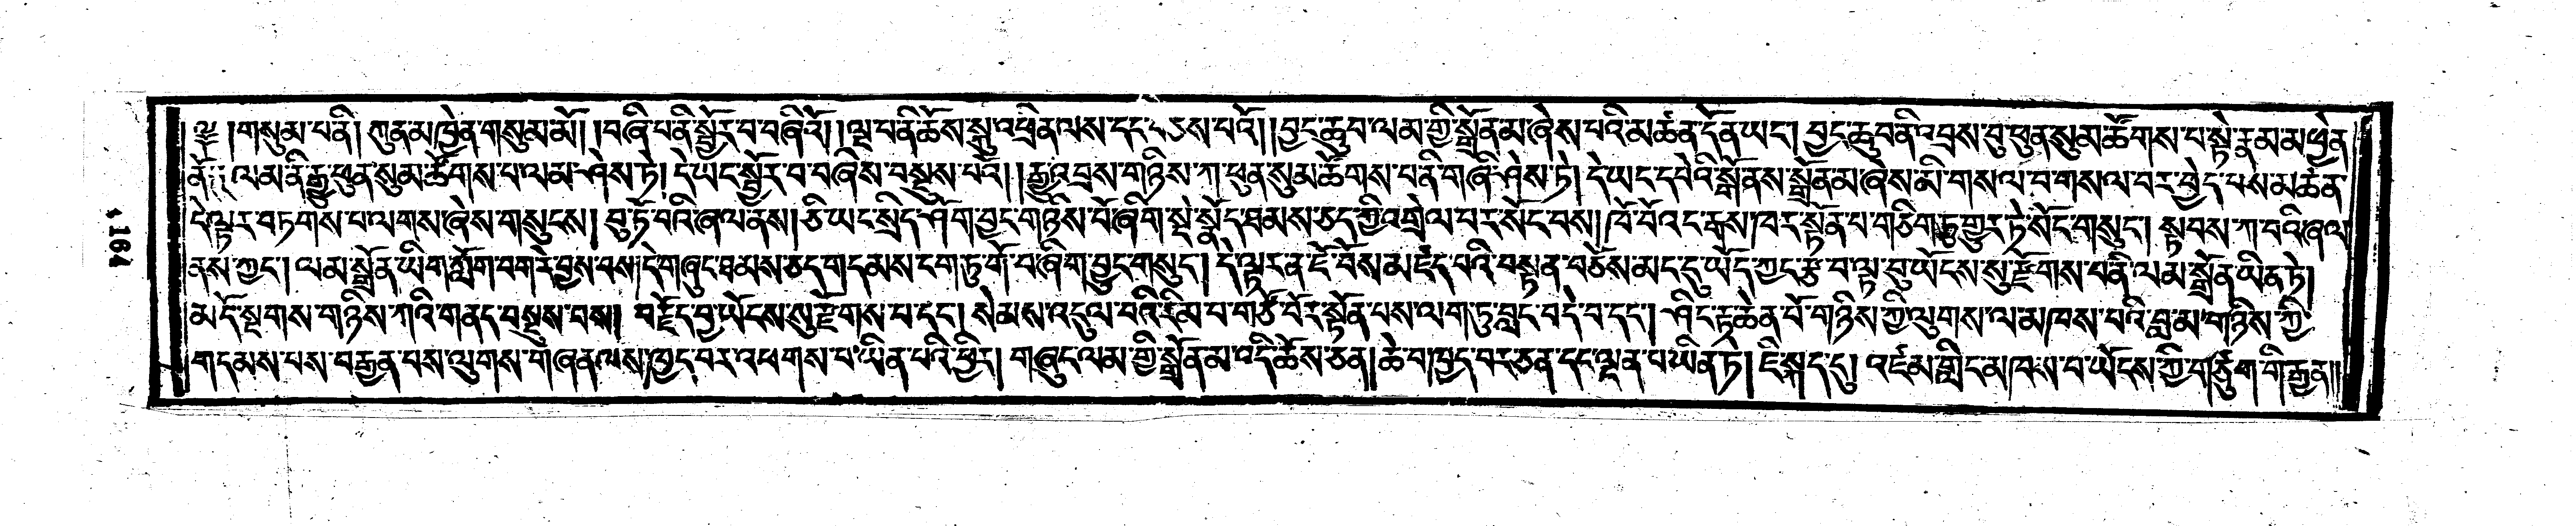༈ །གསུམ་པ་ནི། ཀུན་མཁྱེན་གསུམ་མོ། །བཞི་པ་ནི་སྦྱོར་བ་བཞིའོ། །ལྔ་པ་ནི་ཆོས་སྐུ་འཕྲིན་ལས་དང་བཅས་པའོ། །བྱང་ཆུབ་ལམ་གྱི་སྒྲོན་མ་ཞེས་པའི་མཚན་དོན་ཡང་། བྱང་ཆུབ་ནི་འབྲས་བུ་ཕུན་སུམ་ཚོགས་པ་སྟེ་རྣམ་མཁྱེན་
ནོ། །ལམ་ནི་རྒྱུ་ཕུན་སུམ་ཚོགས་པ་ལམ་ཤེས་ཏེ། དེ་ཡང་སྦྱོར་བ་བཞིས་བསྡུས་པའོ། །རྒྱུ་འབྲས་གཉིས་ཀ་ཕུན་སུམ་ཚོགས་པ་ནི་གཞི་ཤེས་ཏེ། དེ་ཡང་དཔེའི་སྒོ་ནས་སྒྲོན་མ་ཞེས་མི་གསལ་བ་གསལ་བར་བྱེད་པས་མཚན་
དེ་ལྟར་བཏགས་པ་ལགས་ཞེས་གསུངས། བུ་ཏོ་བའི་ཞལ་ནས། ཅི་ཡང་སྲིད་ཤོག་བྱང་གཉིས་པོ་ཞིག་སྡེ་སྣོད་ཐམས་ཅད་ཀྱི་འགྲེལ་པར་སོང་བས། ཁོ་བོའང་རྒས་ཁར་སྟོན་པ་གཅིག་ཏུ་གྱུར་ཏེ་སོང་གསུང་། སྟབས་ཀ་བའི་ཞལ་
ནས་ཀྱང་། ལམ་སྒྲོན་ཡིག་ཀློག་བག་རེ་བྱས་པས། ད་གཞུང་ཐམས་ཅད་གདམས་ངག་ཏུ་གོ་བ་ཞིག་བྱུང་གསུང་། དེ་ལྟར་ན་ཇོ་བོས་མཛད་པའི་བསྟན་བཅོས་མང་དུ་ཡོད་ཀྱང་རྩ་བ་ལྟ་བུ་ཡོངས་སུ་རྫོགས་པ་ནི་ལམ་སྒྲོན་ཡིན་ཏེ།
མདོ་སྔགས་གཉིས་ཀའི་གནད་བསྡུས་པས། བརྗོད་བྱ་ཡོངས་སུ་རྫོགས་པ་དང་། སེམས་འདུལ་བའི་རིམ་པ་གཙོ་བོར་སྟོན་པས་ལག་ཏུ་བླང་བདེ་བ་དང་། ཤིང་རྟ་ཆེན་པོ་གཉིས་ཀྱི་ལུགས་ལ་མཁས་པའི་བླ་མ་གཉིས་ཀྱི་
གདམས་པས་བརྒྱན་པས་ལུགས་གཞན་ལས་ཁྱད་པར་འཕགས་པ་ཡིན་པའི་ཕྱིར། གཞུང་ལམ་གྱི་སྒྲོན་མ་འདི་ཆོས་ཅན། ཆེ་བ་ཁྱད་པར་ཅན་དང་ལྡན་པ་ཡིན་ཏེ། ཇི་སྐད་དུ། འཛམ་གླིང་མཁས་པ་ཡོངས་ཀྱི་གཙུག་གི་རྒྱན། །